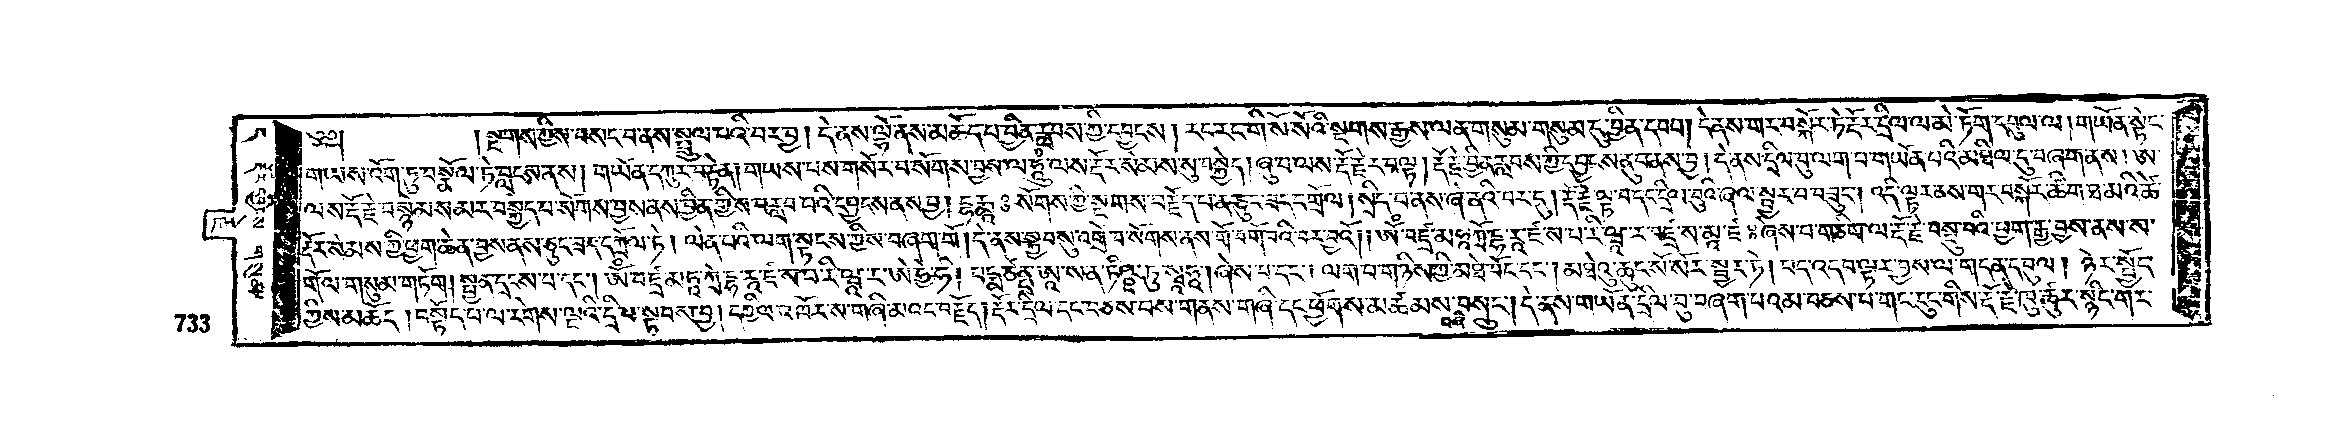༄༅། །སྔགས་ཀྱིས་བསང་བ་ནས་སྤྲུལ་པའི་བར་བྱ། དེ་ནས་ལྷོ་ནས་མཆོད་པ་བྱིན་རླབས་ཀྱི་དབྱངས། རང་རང་གི་སོ་སོའི་སྔགས་རྒྱས་ལན་གསུམ་གསུམ་དུ་བྱིན་དབབ། དེ་ནས་གར་བསྐོར་ཏེ་རྡོར་དྲིལ་ལ་མེ་ཏོག་དབུལ་ལ། གཡོན་སྟེང་
གཡས་འོག་ཏུ་བསྣོལ་ཏེ་བླངས་ནས། གཡོན་དཀུར་བརྟེན། གཡས་པས་གསོར་བ་སོགས་བྱས་ལ་ཧཱུཾ་ལས་རྡོར་སེམས་སུ་བསྐྱེད། ཞུ་བ་ལས་རྡོ་རྗེར་བལྟ། རྡོ་རྗེ་བྱིན་རླབས་ཀྱི་དབྱངས་ནུབ་ནས་བྱ། དེ་ནས་དྲིལ་བུ་ལག་པ་གཡོན་པའི་མཐིལ་དུ་བཞག་ནས། ཨ་
ལས་རྡོ་རྗེ་བསྙེམས་མར་བསྐྱེད་པ་སོགས་བྱས་ནས་བྱིན་གྱིས་བརླབ་པའི་དབྱངས་ནས་བྱ། དྷརྨཱཿ སོགས་ཀྱི་སྔགས་བརྗོད་པ་ན་ཅུང་ཟད་དགྲོལ། སྲིད་པ་ནས་ཞེ་ནའི་བར་དུ། རྡོ་རྗེ་ལྟ་བ་དང་དྲིལ་བུའི་ཞལ་སྦྱར་བ་བཟུང་། འདི་ལྟར་ནས་གར་བསྐོར་ཚིག་ཐ་མའི་ཚེ་
རྡོར་སེམས་ཀྱི་ཕྱག་ཆེན་བྱས་ནས་ཅུང་ཟད་དཀྲོལ་ཏེ། ལེན་པའི་ལག་སྟངས་ཀྱིས་བཞག་གོ །དེ་ནས་སྐྱབས་སུ་འགྲོ་བ་སོགས་ནས་གོ་བགོ་བའི་བར་བྱའོ། །ཨོཾ་བཛྲ་མཧཱ་ཀྲོ་དྷ་རཱ་ཛ་ས་པ་རི་ཝཱ་ར་བཛྲ་ས་མཱ་ཛཿ ཞེས་པ་གཅིག་ལ་རྡོ་རྗེ་བསྡུ་བའི་ཕྱག་རྒྱ་བྱས་ནས་ས་
གོ་ལ་གསུམ་གཏོག །སྤྱན་དྲངས་པ་དང་། ཨོཾ་བཛྲ་མཏཱ་ཀྲེ་དྷ་རཱ་ཛ་ས་བ་རི་ཝཱ་ར་ཨེ་ཧྱེ་ཧི། པདམ་ཙནྡྲ་ཨཱ་ས་ན་ཏིཥཊཿཨ་ཏུ་སྭཱ་ཧཱ། ཞེས་པ་དང་། ལག་པ་གཉིས་ཀྱི་མཐེ་བོང་དང་། མཐེའུ་ཆུང་སོ་སོར་སྦྱར་ཏེ། པད་འདབ་ལྟར་བྱས་ལ་གདན་དབུལ། ཉེར་སྤྱོད་
ཀྱིས་མཆོད། བསྟོད་པ་ལ་རེགས་ལྔའི་དྲིལ་སྟབས་བྱ། དཀྱིལ་འཁོར་ས་གཞི་མའང་བརྗོད། རྡོར་དྲིལ་དང་བཅས་པས་གནས་གཞི་དང་ཕྱོགས་མཚམས་བཞི་བསྲུང་། དེ་ནས་གཡོན་དྲིལ་བུ་བཞག་པའམ་བཅས་པ་གང་རུང་གིས་རྡོ་རྗེ་ཁུ་ཚུར་སྙིང་གར་